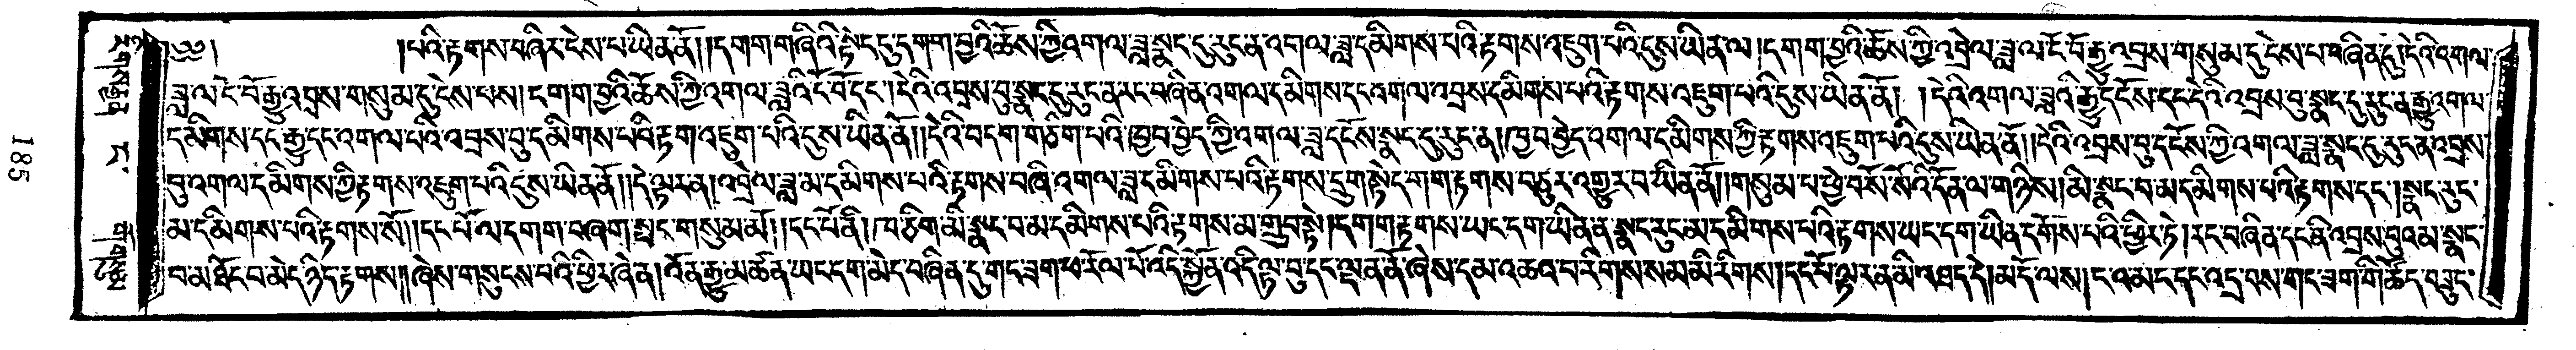༄༅། །པའི་རྟགས་བཞིར་ངེས་པ་ཡིན་ནོ། །དགག་གཞིའི་སྟེང་དུ་དགག་བྱའི་ཆོས་ཀྱི་འགལ་ཟླ་སྣང་དུ་རུང་ན་འགལ་ཟླ་དམིགས་པའི་རྟགས་འཇུག་པའི་དུས་ཡིན་ལ། དགག་བྱའི་ཆོས་ཀྱི་འབྲེལ་ཟླ་ལ་ངོ་བོ་རྒྱུ་འབྲས་གསུམ་དུ་ངེས་པ་བཞིན་དུ། དེའི་འགལ་
ཟླ་ལ་ངོ་བོ་རྒྱུ་འབྲས་གསུམ་དུ་ངེས་པས། དགག་བྱའི་ཆོས་ཀྱི་འགལ་ཟླའི་ངོ་བོ་དང་། དེའི་འབྲས་བུ་སྣང་དུ་རུང་ན་རང་བཞིན་འགལ་དམིགས་དང་འགལ་འབྲས་དམིགས་པའི་རྟགས་འཇུག་པའི་དུས་ཡིན་ནོ། །དེའི་འགལ་ཟླའི་རྒྱུ་དངོས་དང་དེའི་འབྲས་བུ་སྣང་དུ་རུང་ན་རྒྱུ་འགལ་
དམིགས་དང་རྒྱུ་དང་འགལ་བའི་འབྲས་བུ་དམིགས་པའི་རྟག་འཇུག་པའི་དུས་ཡིན་ནོ། །དེའི་བདག་གཅིག་པའི་ཁྱབ་བྱེད་ཀྱི་འགལ་ཟླ་དངོས་སྣང་དུ་རུང་ན། ཁྱབ་བྱེད་འགལ་དམིགས་ཀྱི་རྟགས་འཇུག་པའི་དུས་ཡིན་ནོ། །དེའི་འབྲས་བུ་དངོས་ཀྱི་འགལ་ཟླ་སྣང་དུ་རུང་ན་འབྲས་
བུ་འགལ་དམིགས་ཀྱི་རྟགས་འཇུག་པའི་དུས་ཡིན་ནོ། །དེ་ལྟར་ན། འབྲེལ་ཟླ་མ་དམིགས་པའི་རྟགས་བཞི་འགལ་ཟླ་དམིགས་པའི་རྟགས་དྲུག་སྟེ་དགག་རྟགས་བཅུར་འགྱུར་བ་ཡིན་ནོ། །གསུམ་པ་ཕྱེ་བ་སོ་སོའི་དོན་ལ་གཉིས། མི་སྣང་བ་མ་དམིགས་པའི་རྟགས་དང་། སྣང་རུང་
མ་དམིགས་པའི་རྟགས་སོ། །དང་པོ་ལ་དགག་བཞག་སྤང་གསུམ་མོ། །དང་པོ་ནི། ཁ་ཅིག་མི་སྣང་བ་མ་དམིགས་པའི་རྟག་མ་གྲུབ་སྟེ། དགག་རྟགས་ཡང་དག་ཡིན་ན་སྣང་རུང་མ་དམིགས་པའི་རྟགས་ཡང་དག་ཡིན་དགོས་པའི་ཕྱིར་ཏེ། རང་བཞིན་དང་ནི་འབྲས་བུའམ། །སྣང་
བ་མཐོང་བ་མེད་ཉིད་རྟགས། །ཞེས་གསུངས་པའི་ཕྱིར་ཞེ་ན། འོ་ན་རྒྱུ་མཚན་ཡང་དག་མེད་བཞིན་དུ་གང་ཟག་ཕ་རོལ་པོ་འདི་སྐྱོན་འདི་ལྟ་བུ་དང་ལྡན་ནོ་ཞེས་དམ་འཆའ་བ་རིགས་སམ་མི་རིགས། དང་པོ་ལྟར་ན་མི་འཐད་དེ། མདོ་ལས། ང་འམ་ང་དང་འདྲ་བས་གང་ཟག་གི་ཆོད་བཟུང་